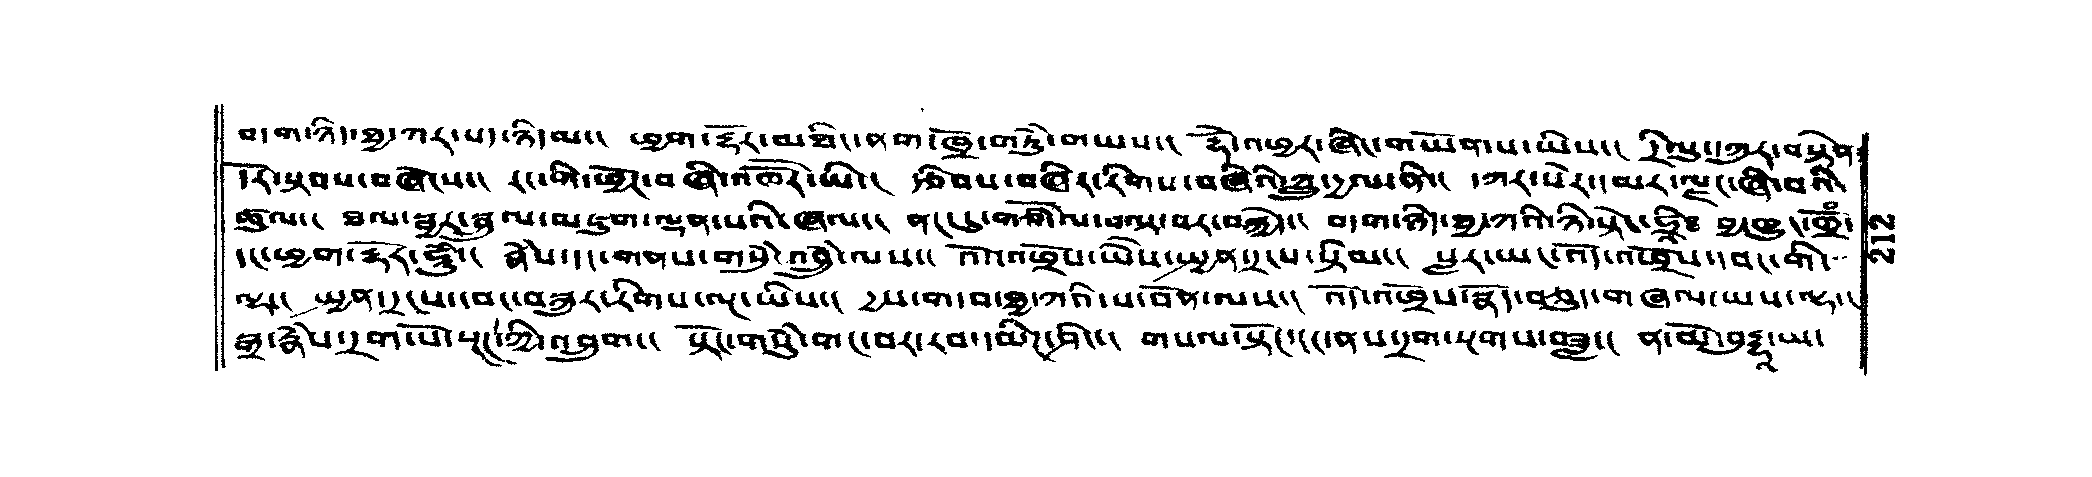བདག་ཉིད་ཐུགས་ཀར་པད་ཉིད་དམ། ཕྱག་རྡོག་མཐིང་ནག་ཁྲོ་གཏུམ་གཡས། རྡོ་རྗེ་འཕྱར་ཞིང་གཡོན་པ་ཡིས། དྲིལ་བུ་དཀུར་བསྟེན་
དོར་སྟབས་བཞེངས། རང་གི་ཕྱོགས་བཞི་འཁོར་ལོ་ཡི། རྩིབས་བཞིར་རིགས་བཞིའི་ཀླུ་རྒྱལ་ནི། དཀར་སེར་དམར་ལྗང་ཞི་བའི་
ཚུལ། ཐལ་སྦྱར་སྦྲུལ་མཇུག་ལྡན་པའི་ཞལ། ནང་དུ་གཙོ་ལ་བལྟ་བར་བསྐྱེད། བདག་ཉིད་ཐུགས་ཀའི་ཉི་སྟོང་ཧྲཱིཿ བྱ་ཁྱུང་ཁྲོམ་
དང་ཕྱག་རྡོར་ཧཱུྃ། རྣམས་དང་གནས་གསུམ་འབྲུ་གསུམ་ལས། འོད་འཕྲོས་ཡེ་ཤེས་སྤྱན་དྲངས་སྟིམ། སླར་ཡང་འོད་འཕྲོས་དབང་གི་
ལྷ། སྤྱན་དྲངས་དབང་བསྐུར་རིགས་ལྔ་ཡིས། རྒྱས་གདབ་ཐུགས་ཀའི་ས་བོན་ལས། འོད་འཕྲོས་སྣོད་བཅུད་གཞལ་ཡས་ལྷ། 
སྒྲ་རྣམས་དྲག་པོ་སྔགས་ཀྱི་འབྲུག སྟོང་གསུམ་གང་བར་རབ་དམིགས་ཤིག གསལ་སྟོང་ངང་ནས་དྲག་སྔགས་བཟླ།ན་མོ་བུདྡྷཱ་ཡ།